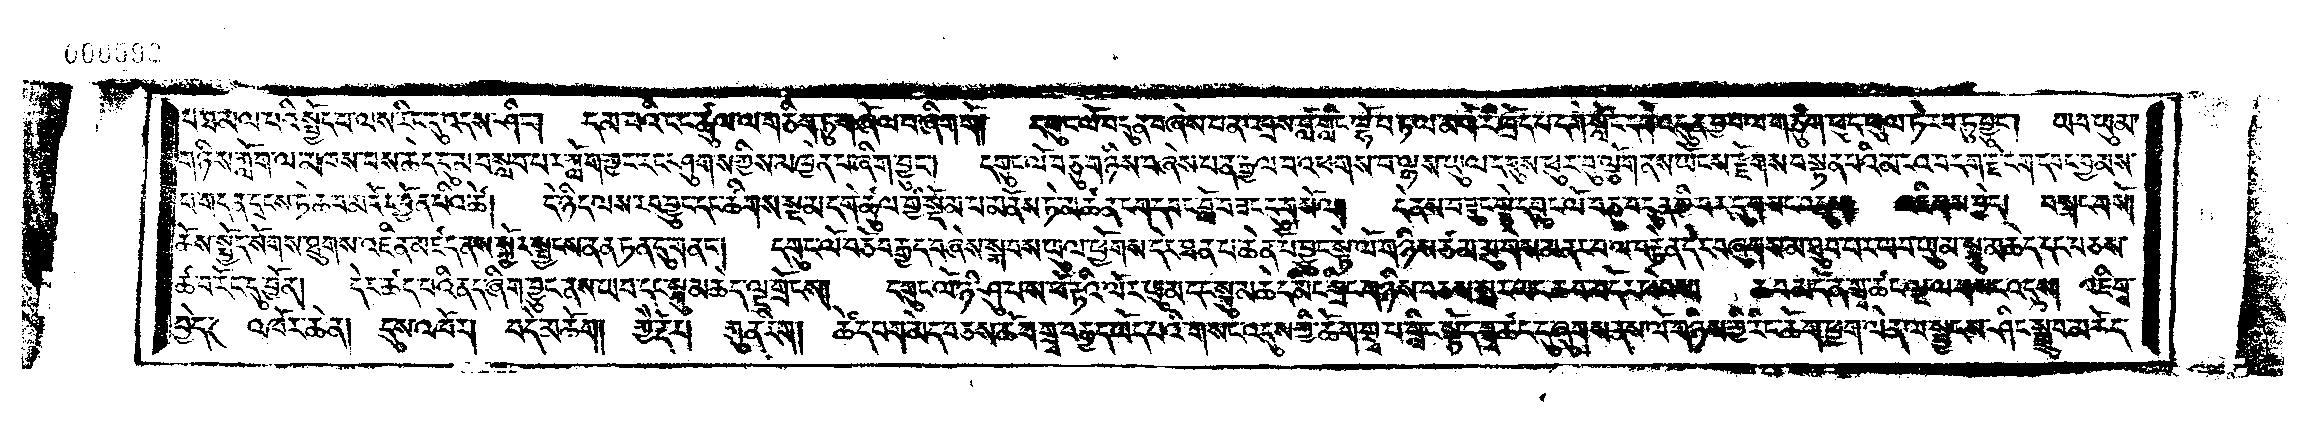པ་ཐ་མལ་པའི་སྤྱོད་པ་ལས་རིང་དུ་འདས་ཤིང་། དམ་པའི་ངང་ཚུལ་ལ་གཅིག་ཏུ་གཞོལ་བ་ཞིག་གོ། དགུང་ལོ་བདུན་བཞེས་པ་ན་འབྲས་བློ་གླིང་ལྷོ་པ་ཏ་ལ་མགོ་རི་ཁྲོད་པ་དགེ་སློང་དགེ་འདུན་བྱ་བ་ལ་གཙུག་ཕུད་ཕུལ་ཏེ་རབ་ཏུ་བྱུང་། ཡབ་ཡུམ་
གཉིས་ཀློག་ལ་མཁས་པས་ཆེད་དུ་མ་བསླབ་པར་ཀློག་ཀྱང་རང་ཤུགས་ཀྱིས་མཁྱེན་པ་ཞིག་བྱུང་། དགུང་ལོ་བཅུ་གཉིས་བཞེས་པ་ན་རྒྱལ་བ་འཕགས་པ་ལྷས་ཡུལ་དབུས་ཕུར་བུ་ལྕོག་ནས་ཡོངས་རྫོགས་བསྟན་པའི་མངའ་བདག་རྗེ་ངག་དབང་བྱམས་
པ་གདན་དྲངས་ཏེ་ཆབ་མདོར་བྱོན་པའི་ཚེ། དེ་ཉིད་ལས་རབ་བྱུང་དང་ཚིགས་སྔ་མ་དགེ་ཚུལ་གྱི་སྡོམ་པ་མནོས་ཏེ་མཚན་ངག་དབང་བློ་བཟང་དུ་གསོལ། དེ་ནས་བཟུང་སྟེ་དགུང་ལོ་བཅུ་བདུན་གྱི་བར་དུ་གསང་འདུས། འཇིགས་བྱེད། བསྐང་གསོ།
ཆོས་སྤྱོད་སོགས་ཐུགས་འཇིན་མཛད་ནས་སྐྱོར་སྦྱངས་ནན་ཏན་དུ་གནང་། དགུང་ལོ་བཅོ་བརྒྱད་བཞེས་སྐབས་ཡུལ་ཕྱོགས་དེར་ཐན་པ་ཆེན་པོ་བྱུང་སྟེ་ལོ་གཉིས་ཙམ་མུ་གེས་མནར་བ་ལ་བརྟེན་དེར་བཞུགས་མ་ཐུབ་པར་ཡབ་ཡུམ་སྐུ་མཆེད་དང་བཅས་
ཚ་བ་རོང་དུ་བྱོན། དེར་ཚད་པའི་ནད་ཞིག་བྱུང་ནས་ཡབ་དང་སྐུ་མཆེད་ལྔ་གྲོངས། དགུང་ལོ་ཉི་ཤུ་པས་ཕོ་རྟའི་ལོར་ཡུམ་དང་སྐུ་མཆེད་མིང་སྲིང་གཉིས་བཅས་སླར་ཡང་ཆབ་མདོར་ཕེབས། ཆབ་མདོ་ན་གྲྭ་ཚང་ལྔ་ལ་གསང་འདུས། འཇིགས་
བྱེད༑ འཁོར་ཆེན། དུས་འཁོར། བདེ་མཆོག། ཀྱཻ་རྡོར། ཀུན་རིག། ཚེ་དཔག་མེད་བཅས་ཆོག་གྲྭ་བརྒྱད་ཡོད་པའི་གསང་འདུས་ཀྱི་ཆོག་གྲྭ་པ་གླིང་སྟོད་གྲྭ་ཚང་དུ་ཞུགས་ནས་ལོ་གཉིས་ཀྱི་རིང་ཆོ་ག་ཕྱག་ལེན་ལ་སྦྱངས་ཤིང་སྒྲུབ་མཆོད་